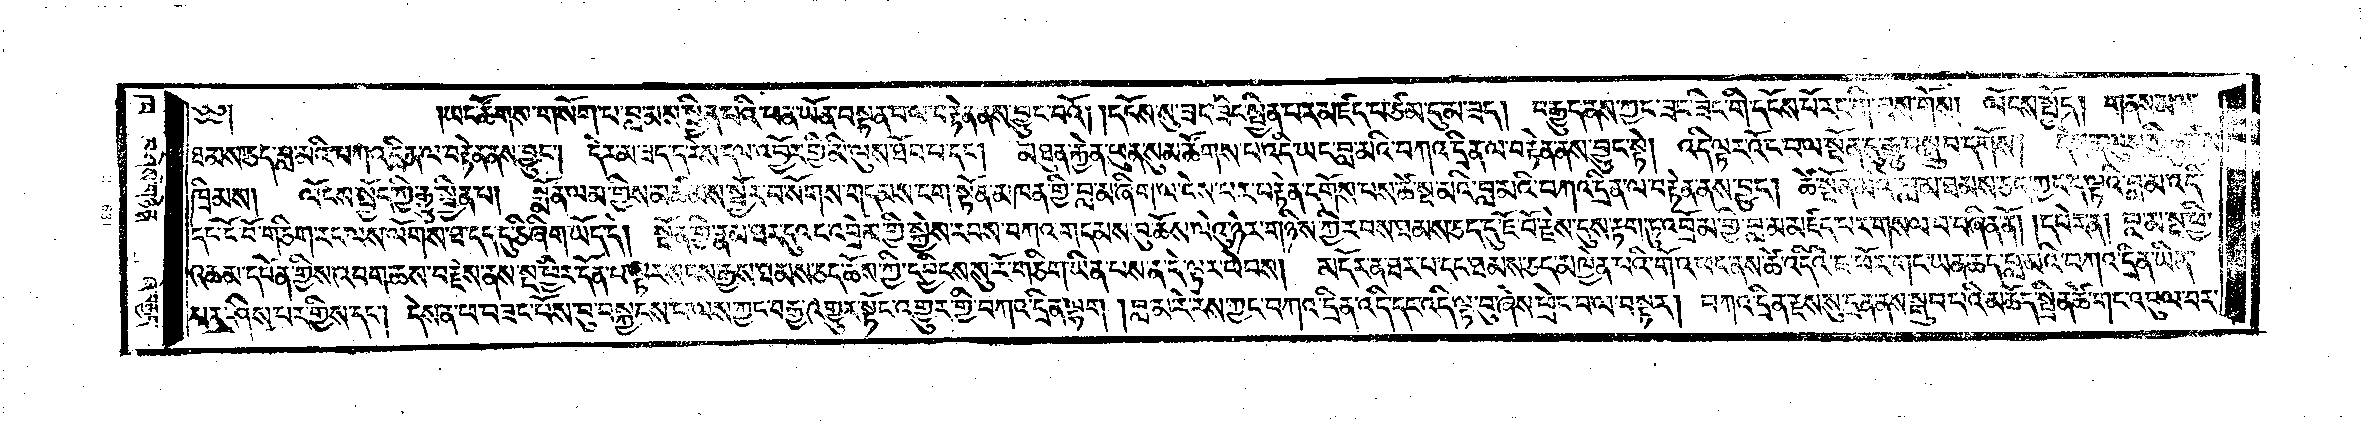༄༅། །ཡང་ཚོགས་གསོག་པ་བླ་མས་སྦྱིན་པའི་ཕན་ཡོན་བསྟན་པ་ལ་བརྟེན་ནས་བྱུང་བའོ། །དངོས་སུ་ཟང་ཟིང་སྦྱིན་པར་མཛད་པ་ཙམ་དུ་མ་ཟད། བརྒྱུད་ནས་ཀྱང་ཟང་ཟིང་གི་དངོས་པོ་རང་གི་ཟས་གོས། ལོངས་སྤྱོད། གནས་མལ་
ཐམས་ཅད་བླ་མའི་བཀའ་དྲིན་ལ་བརྟེན་ནས་བྱུང་། དེར་མ་ཟད་ད་རེས་དལ་འབྱོར་གྱི་མི་ལུས་ཐོབ་པ་དང་། མཐུན་རྐྱེན་ཕུན་སུམ་ཚོགས་པ་འདི་ཡང་བླ་མའི་བཀའ་དྲིན་ལ་བརྟེན་ནས་བྱུང་སྟེ། འདི་ལྟར་འོང་བ་ལ་སྔོན་དུ་རྒྱུ་བསྒྲུབ་དགོས། དེས་ན་ལུས་ཀྱི་རྒྱུ་ཚུལ་
ཁྲིམས། ལོངས་སྤྱོད་ཀྱི་རྒྱུ་སྦྱིན་པ། སྨོན་ལམ་གྱིས་མཚམས་སྦྱོར་བ་སོགས་གདམས་ངག་སྟོན་མཁན་གྱི་བླ་མ་ཞིག་ལ་ངེས་པར་བརྟེན་དགོས་པས་ཚེ་སྔ་མའི་བླ་མའི་བཀའ་དྲིན་ལ་བརྟེན་ནས་བྱུང་། ཚེ་སྔོན་མའི་བླ་མ་ཐམས་ཅད་ཀྱང་ད་ལྟའི་བླ་མ་འདི་
དང་ངོ་བོ་གཅིག་རང་ལས་ལོགས་ཐ་དད་དུ་ཅི་ཞིག་ཡོད་དེ། སྔོན་གྱི་རྣམ་ཐར་དུའང་འབྲེམ་གྱི་སྐྱེས་རབས་བཀའ་གདམས་བུ་ཆོས་ལེའུ་ཉེར་གཉིས་ཀྱི་རབས་ཐམས་ཅད་དུ་ཇོ་བོ་རྗེས་དུས་རྟག་ཏུ་འབྲོམ་གྱི་བླ་མ་མཛད་པར་གསལ་བ་བཞིན་ནོ། །དཔེར་ན། བཱ་མ་སྔ་ཕྱི་
འཆམ་དཔོན་གྱིས་འབག་ཆས་བརྗེས་ནས་སྔ་ཕྱིར་དོན་པ་ལྟར་སངས་རྒྱས་ཐམས་ཅད་ཆོས་ཀྱི་དབྱིངས་སུ་རོ་གཅིག་ཡིན་པས་ན་དེ་ལྟར་ཕེབས། མདོར་ན་ཐར་པ་དང་ཐམས་ཅད་མཁྱེན་པའི་གོ་འཕང་ནས་ཚེ་འདིའི་ཇ་ཕོར་གང་ཡན་ཆད་བླ་མའི་བཀའ་དྲིན་ཡིན་
པར་ཤིས་པར་གྱིས་དང་། དེས་ན་ཕ་བཟང་པོས་བུ་བསྐྱངས་པ་ལས་ཀྱང་བརྒྱ་འགྱུར་སྟོང་འགྱུར་གྱི་བཀའ་དྲིན་ལྷག །བླ་མ་རེ་རེས་ཀྱང་བཀའ་དྲིན་འདི་དང་འདི་ལྟ་བུ་ཞེས་ཕྲེང་བ་ལ་བསྟར། བཀའ་དྲིན་རྗེས་སུ་དྲན་ནས་སྒྲུབ་པའི་མཆོད་སྤྲིན་ཚེ་གང་འབུལ་བར་